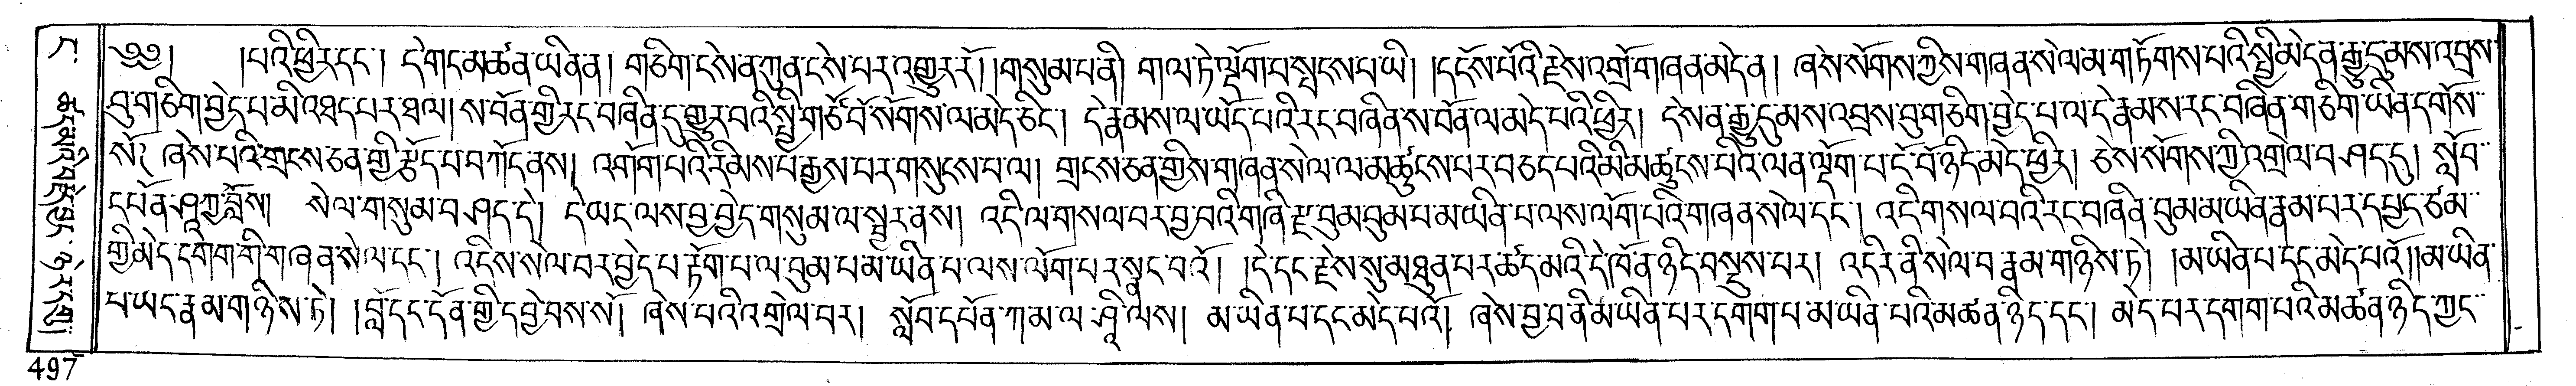༄༅། །པའི་ཕྱིར་དང་། དེ་རང་མཚན་ཡིན་ན། གཅིག་ངེས་ན་ཀུན་ངེས་པར་འགྱུར་རོ། །གསུམ་པ་ནི། གལ་ཏེ་ལྡོག་པ་སྤངས་པ་ཡི། །དངོས་པོའི་རྗེས་འགྲོ་གཞན་མེད་ན། ཞེས་སོགས་ཀྱིས་གཞན་སེལ་མ་གཏོགས་པའི་སྤྱི་མེད་ན་རྒྱུ་དུམས་འབྲས་
བུ་གཅིག་བྱེད་པ་མི་འཐད་པར་ཐལ། ས་བོན་གྱི་རང་བཞིན་དུ་གྱུར་པའི་སྤྱི་གཙོ་བོ་སོགས་ལ་མེད་ཅིང་། དེ་རྣམས་ལ་ཡོད་པའི་རང་བཞིན་ས་བོན་ལ་མེད་པའི་ཕྱིར། དེས་ན་རྒྱུ་དུ་མས་འབྲས་བུ་གཅིག་བྱེད་པ་ལ་དེ་རྣམས་རང་བཞིན་གཅིག་ཡིན་དགོས་
སོ༑ ཞེས་པའི་གྲངས་ཅན་གྱི་རྩོད་པ་བཀོད་ནས། འགོག་པའི་རིམས་པ་རྒྱས་པར་གསུངས་པ་ལ། གྲངས་ཅན་གྱིས་གཞན་སེལ་ལ་མཚུངས་པར་བཅད་པའི་མི་མཚུངས་པའི་ལན་ལྡོག་པ་ངོ་བོ་ཉིད་མེད་ཕྱིར། ཅེས་སོགས་ཀྱི་འགྲེལ་བཤད་དུ། སློབ་
དཔོན་ཤཱཀྱ་བློས། སེལ་གསུམ་བཤད་དེ། དེ་ཡང་ལས་བྱ་བྱེད་གསུམ་ལ་སྦྱར་ནས། འདི་ལ་གསལ་བར་བྱ་བའི་གཞི་རྫ་བུམ་བུམ་པ་མ་ཡིན་པ་ལས་ལོག་པའི་གཞན་སེལ་དང་། འདི་གསལ་བའི་རང་བཞིན་བུམ་མ་ཡིན་རྣམ་པར་དཔྱད་ཙམ་
གྱི་མེད་དགག་གི་གཞན་སེལ་དང་། འདིས་སེལ་བར་བྱེད་བ་རྟོག་པ་ལ་བུམ་པ་མ་ཡིན་པ་ལས་ལོག་བར་སྣང་བའོ། །དེ་དང་རྗེས་སུ་མཐུན་པར་ཚད་མའི་དེ་ཁོ་ན་ཉིད་བསྡུས་པར། འདིར་ནི་སེལ་བ་རྣམ་གཉིས་ཏེ། །མ་ཡིན་པ་དང་མེད་པའོ། །མ་ཡིན་
པ་ཡང་རྣམ་གཉིས་ཏེ། །བློ་དང་དོན་གྱི་དབྱེ་བས་སོ། ཞེས་པའི་འགྲེལ་བར། སློབ་དཔོན་ཀ་མ་ལ་ཤཱི་ལས། མ་ཡིན་པ་དང་མེད་པའོ། ཞེས་བྱ་བ་ནི་མ་ཡིན་བར་དགག་པ་མ་ཡིན་པའི་མཚན་ཉིད་དང་། མེད་པར་དགག་པའི་མཚན་ཉིད་ཀྱང་